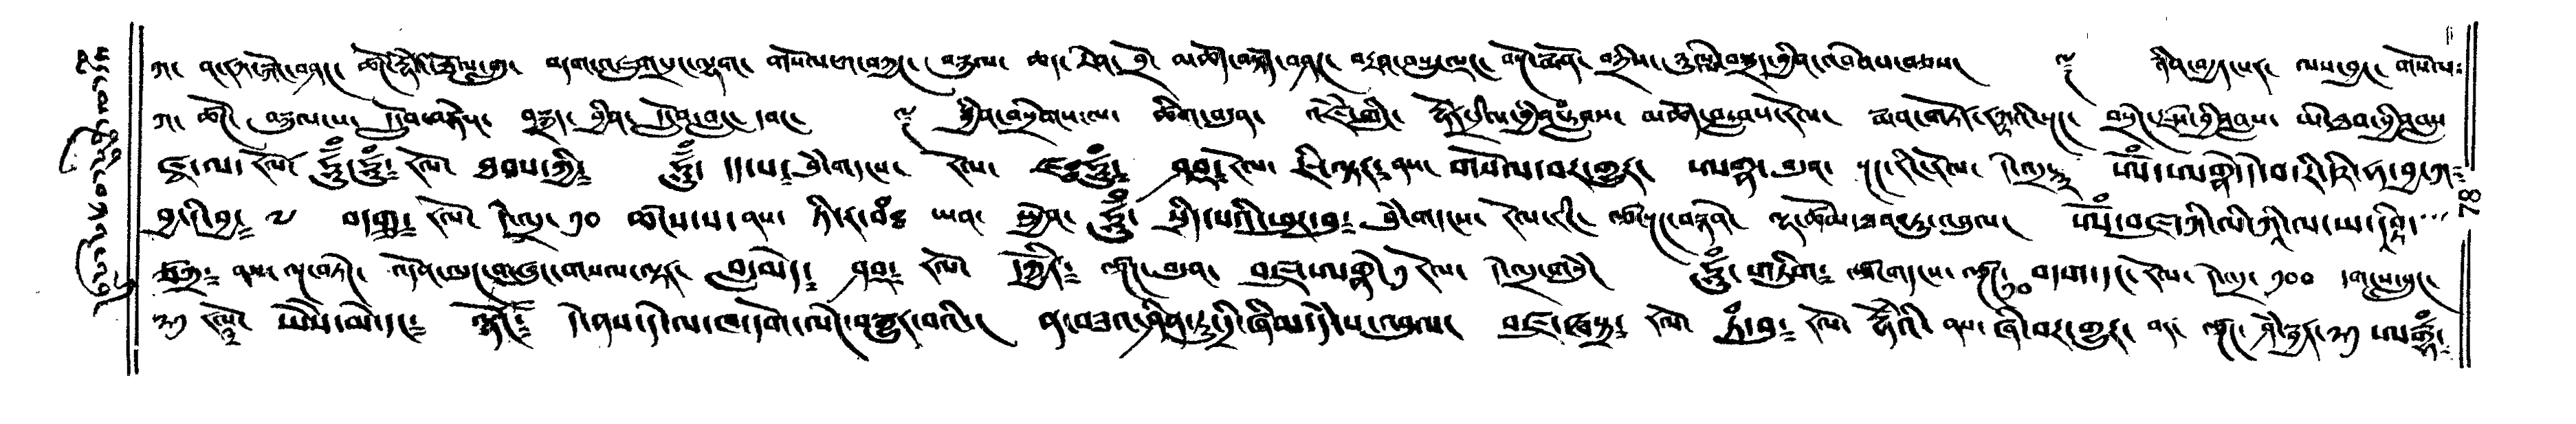ཀ ན་རཀ་སྐོང་བཤགས། ཚོགས། རྡོ་རྗེའི་ཐོལ་གླུ། བདག་འཇུག་དྲང་ལྷག གསོལ་ཀ་བཀྱག བསྐུལ་ཆད་བརྟན་བྲོ། མཆོད་བསྟོད་བཤགས། རྟེན་བསྡུ་ལྡང་། བསྔོ་སྨོན་བཀྲ་ཤིས། ཉུལླེ་བསྐྲད་བྱིན་འབེབས་བཅས། ༈ ཉིན་བརྒྱད་པར། ལས་བྱང་། གསོལ་
ཀ ཚོགས། བསྐུལ་པ། དངོས་གྲུབ་བསྙེན། བསྐྲད། བྱིན། དངོས་གྲུབ་བླང་། དབང་། ༈ སྦྱིན་སྲེག་ལ། ཚིག་བདུན། འཛམ་གླིང་། རྡོར་དྲིལ་བྱིན་རླབས། མཆོད་རླབས་རོལ། སྨན་གཏོར་རཀྟའི་སྔགས། སྲེག་རྫས་བྱིན་རླབས། མེ་ཐབ་བྱིན་རླབས། 
ཛྭ་ལ༴རོལ། ཧཱུྃ་ཧཱུྃ༴ རོལ། ཐབས་ཀྱི༴ ཧཱུྃ། དད་པ༴ བུམ་གདངས། རོལ། ཛཿཧཱུཾ༴ ཤབྡ༴ རོལ། ཇི་ལྟར༴ ནས། གསོལ་བར་གྱུར། ཨགྣེ། བདུན། སྔགས་རིང་རོལ། དེ་འདྲ་གསུམ། ཨོཾ་ཨགྣེ་དེ་བ་རི་རི་ཧ་བྱ་ཀ༴ 
བྱ་དི་བྱ༴ བདག་ཅག༴ རོལ། དེ་འདྲ་བཅུ། ཚངས་པ་ནས། ཏི་ར་བཾ༴ ཡན། སྤྱན་འདྲེན། ཧཱུྃཿ སྲིད་པའི་ཕུར་བུ༴ བུམ་གདངས། རོལ་རིང་། རྩ་སྔགས་བསྙེན། ལྷ་ཚོམ་ཐབ་ཏུ་འབུལ། ཨོཾ་བཛྲ་ཀཱི་ལི་ཀཱི་ལ་ཡ་དཱབྟི་
ཙཀྲ༴ ནས། ལྔ་བཏེགས། འདོན་ལུགས་གཞུང་གསལ་ལྟར། བླ་མེད༴ ཤབྡ༴ རོལ། དཀྱིལ་འཁོར༴ རྩ་སྔགས། བདུན། བཛྲ་ཨགྣེ༴ ལེན་གཅིག རོལ། དེ་འདྲ་གསུམ། ཧཱུཾཿ གཏི་མུག༴ རྩ་གདངས། རྩ་སྔགས་བཅུ། བདག་དང༴ རོལ། དེ་འདྲ་བརྒྱ་རྩ། དགངས་བླུག་
ཉེར་གཅིག རོལ་གསུམ། ཡེ་ཤེས་མེ་དང་༴ ལྷ་ཚོགས༴ དེ་ནས་དེ་ལ་ཁ་དོག་ལེགས་བསྒྱུར་བའི། །ན་བཟའ་ཤིན་ཏུ་དྲི་ཞིམ་དམ་པ་འབུལ། །བཛྲ་ཝསྟྲ༴ རོལ། ཏམ་བུ༴ རོལ། རྡོ་རྗེའི༴ ནས། ཞི་བར་གྱུར། བར། རྩ་སྔགས། གཤམ་སྦྱར་ཉེར་གཅིག ཨརྒྷཾ༴